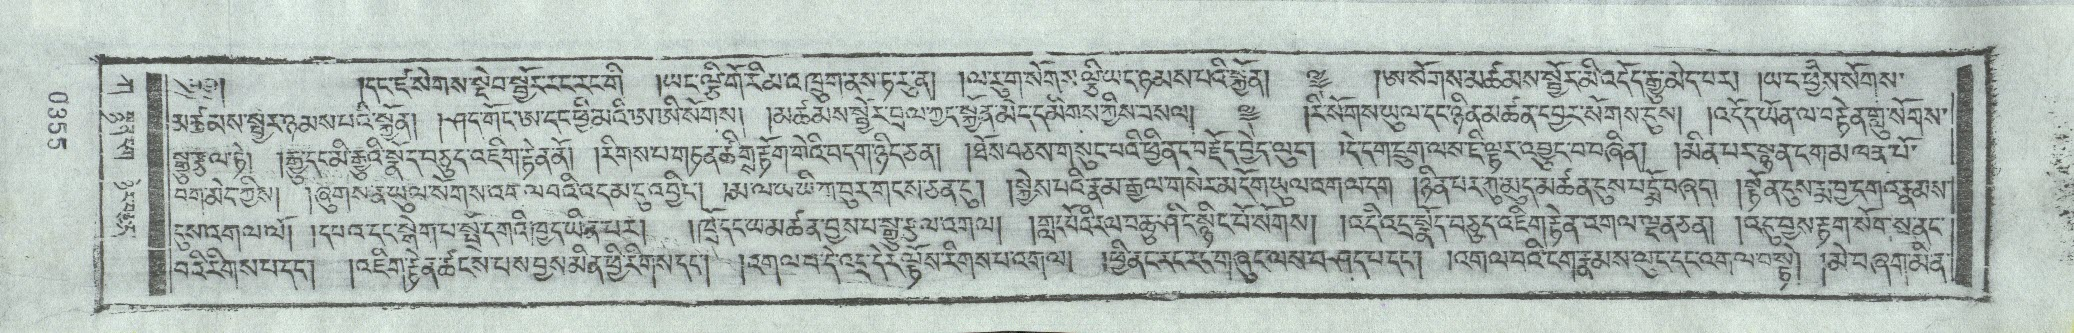༄༅། །དང་ཛ་སོགས་སྡེབ་སྦྱོར་རང་རང་གི །ཡང་ལྕི་གོ་རིམ་འཁྲུག་ནས་ཏ་རུ་ན། །ལ་རུ་ག་སོགས་ལྕི་ཡང་ཉམས་པའི་སྐྱོན། ༈ །ཨ་སོགས་མཚམས་སྦྱོར་མི་འདོད་རྒྱུ་མེད་པར། །ཡང་ཕྱིས་སོགས་
མཚམས་སྦྱོར་ཉམས་པའི་སྐྱོན། །ཤད་གོང་ཨ་དང་ཕྱི་མའི་ཨ་ཨི་སོགས། །མཚམས་སྦྱོར་བྲལ་ཀྱང་སྐྱོན་མེད་དམིགས་ཀྱིས་བསལ། ༈ །རི་སོགས་ཡུལ་དང་ཉིན་མཚན་དབྱར་སོགས་དུས། །འདོད་ཡོན་ལ་བརྟེན་?་སོགས་
སྐུ་རྩལ་ཏེ། །རྒྱུ་དང་མི་རྒྱུའི་སྣོད་བཅུད་འཇིག་རྟེན་ནོ། །རིགས་པ་གཏན་ཚིགས་རྟོགས་གེའི་བདག་ཉིད་ཅན། །ཐོས་བཅས་གསུང་པའི་ཕྱི་ནང་བརྗོད་བྱེད་ལུང་། །དེ་དག་ཇུག་ལས་ཇི་ལྟར་འབྱུང་བ་བཞིན། །མིན་པར་སྙན་ངག་མཁན་པོ་
བག་མེད་ཀྱིས། །ཞུགས་ན་ཡུལ་སོགས་འབལ་བའི་འདམ་དུ་འབྱིང་། །མ་ལ་ཡ་ཡི་ཀ་བུར་གངས་ཅན་དུ། །སྐྱེས་པའི་རྣམ་རྒྱལ་གསེར་མདོག་ཡུལ་འགལ་དག །ཉིན་པར་ཀུ་མུད་མཚན་དུས་པདམོ་བཞད། །སྟོན་དུས་རྨ་བྱ་དགའ་རྣམས་
དུས་འགལ་ལོ། །དཔའ་དང་སྒེག་པ་སྤྲོ་དགའི་ཁྱད་ཡིན་པར། །ཁྲོ་དང་ཡ་མཚན་བྱས་པ་སྒྱུ་རྩལ་འགལ། །གླང་པོའི་རལ་བ་ཆུ་ཤིང་སྙིང་པོ་སོགས། །འདི་འདྲ་སྣོད་བཅུད་འཇིག་རྟེན་འགལ་ལྡན་ཅན། །འདུ་བྱས་རྟག་སོགས་ནང་
བའི་རིགས་པ་དང་། །འཇིག་རྟེན་ཚངས་པས་བྱས་མིན་ཕྱི་རིགས་དང་། །འགལ་བ་དེ་འདྲ་དེར་ལྟོས་རིགས་པ་འགལ། །ཕྱི་ནང་རང་རང་གཞུང་ལས་བཤད་པ་དང་། །འགལ་བའི་ངག་རྣམས་ལུང་དང་འགལ་བ་སྟེ། །མི་བཞག་མིན་